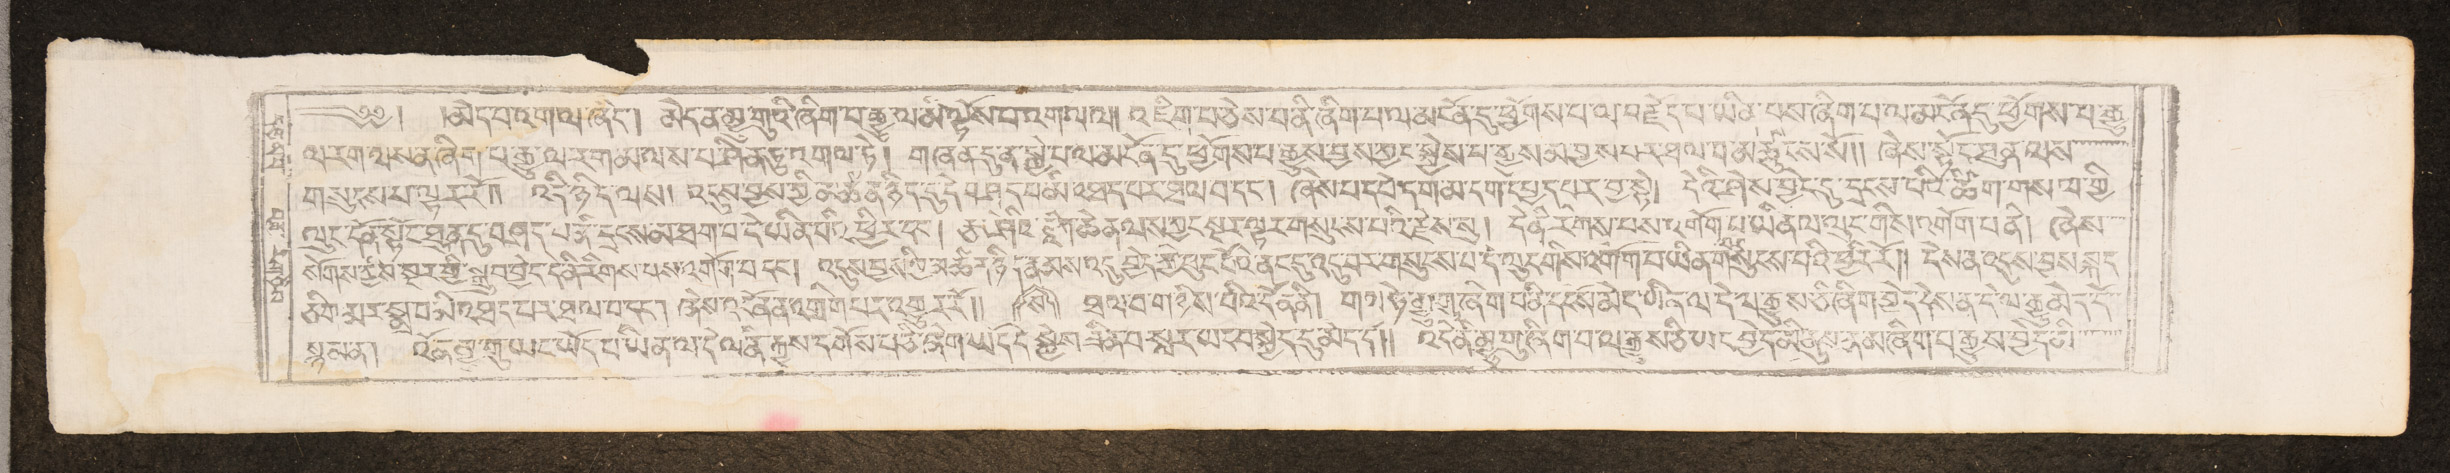༄༅། །མེད་པ་འགལ་ཞིང་། མེད་ན་མྱུ་གུའི་ཞིག་པ་རྒྱུ་ལ་མི་ལྟོས་པ་འགལ་ལ། འཇིག་པ་ཅེས་པ་ནི་ཞིག་པ་ལ་མངོན་དུ་ཕྱོགས་པ་ལ་བརྗོད་པ་ཡིན་པས་ཞིག་པ་ལ་མངོན་དུ་ཕྱོགས་པ་རྒྱུ་
ལ་རག་ལས་ན་ཞིག་པ་རྒྱུ་ལ་རག་མ་ལས་པ་ཤིན་ཏུ་འགལ་ཏེ། གཞན་དུ་ན་སྐྱེ་པ་ལ་མངོན་དུ་ཕྱོགས་པ་རྒྱུས་བྱས་ཀྱང་སྐྱེས་པ་རྒྱུས་མ་བྱས་པར་ཐལ་བ་མཚུངས་སོ། །ཞེས་སྟོད་ཐུན་ལས་
གསུངས་པ་ལྟར་རོ། །འདི་ཉིད་ལས། འདུས་བྱས་ཀྱི་མཚན་ཉིད་དུ་དེ་བཤད་པ་མི་འཐད་པར་ཐལ་བ་དང་། ཞེས་པ་དཔེ་དག་མ་དག་དཔྱད་པར་བྱ་སྟེ། དེའི་ཤེས་བྱེད་དུ་དྲངས་པའི་ཚིག་གསལ་གྱི་
ལུང་དོན་སྟོང་ཐུན་དུ་བཤད་པ་ནི་དྲངས་མ་ཐག་པ་དེ་ཡིན་པའི་ཕྱིར་དང་། རྩ་ཤེའི་ཊཱིཀ་ཆེན་ལས་ཀྱང་སྔར་ལྟར་གསུངས་པའི་རྗེས་སུ། དེ་ནི་རིགས་པས་འགོག་པ་ཡིན་ལ་ལུང་གིས་འགོག་པ་ནི། ཞེས་
སོགས་ཀྱིས་སྔར་གྱི་སྒྲུབ་བྱེད་དེ་ནི་རིགས་པས་འགོག་པ་དང་། འདུས་བྱས་ཀྱི་མཚན་ཉིད་རྣམས་འདུ་བྱེད་ཀྱི་ཕུང་པོའི་ནང་དུ་འདུ་བར་གསུངས་པ་དེ་ལུང་གིས་འགོག་པ་ཡིན་པར་གསུངས་པའི་ཕྱིར་རོ། །དེས་ན་འདུས་བྱས་སྐད་
ཅིག་མར་སྨྲ་བ་མི་འཐད་པར་ཐལ་པ་དང་། ཞེས་འདོན་ན་འགྲིག་པར་འགྱུར་རོ། །༼༽ས༼༽ ཐལ་བ་གཉིས་པའི་དོན་ནི། གལ་ཏེ་མྱུ་གུ་ཞིག་པ་ནི་དངོས་མེད་ཡིན་ལ་དེ་ལ་རྒྱུས་ཅི་ཞིག་བྱེད་དེས་ན་དེ་ལ་རྒྱུ་མེད་དོ་
སྙམ་ན། འོ་ན་མྱུ་གུ་ཡང་ཡོད་པ་ཡིན་ལ་དེ་ལ་ནི་རྒྱུས་དགོས་པ་ཅི་ཞིག་ཡོད་དེ་སྐྱེས་ཟིན་པ་སླར་ཡང་བསྐྱེད་དུ་མེད་དོ། །འདི་ནི་མྱུ་གུ་ཞིག་པ་ལ་རྒྱུས་ཅི་ཡང་བྱེད་མི་ནུས་ན་མ་ཞིག་པ་རྒྱུས་བྱེད་མི་